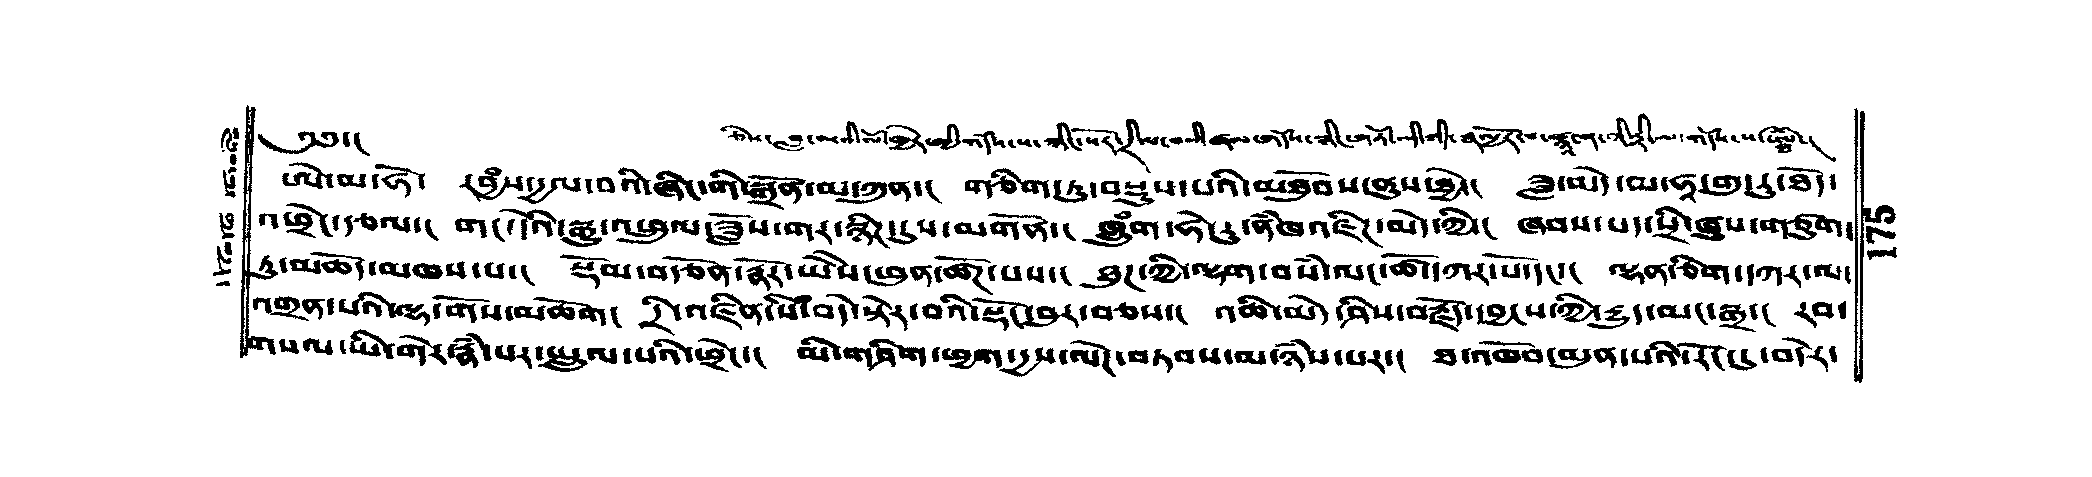ཅེས་བླ་མའི་ལམ་ཁྱེར་གྱི་གདམས་པ་སྙིང་པོར་དྲིལ་བའི་ཞལ་གདམས་སྙིང་གཏམ་འདི་ཉིད་རྣལ་འབྱོར་ཛྙཱ་ན་ཀིརྟི་ལ་གདམས་པ་།། 
ཨེ་མ་ཧོ། རབ་འབྱམས་རྒྱལ་བའི་ཞིང་གི་སྒྲོན་མ་ཀུན། །གཅིག་ཏུ་བསྡུས་པའི་མཐུ་སྟོབས་ནུས་ཐུགས་རྗེ། །ཟླ་མེད་མ་ཧཱ་གུ་རུ་ཐོད་
འཕྲེང་རྩལ། །གང་དེའི་སྒྱུ་འཕྲུལ་ཟློས་གར་སྙིགས་དུས་མགོན། །ཁྲག་འཐུང་ཧེ་རུ་ནམ་མཁའ་འཇིགས་མེད་ཀྱི། །ཞབས་པད་སྲི་ཞུས་གཙུག་
ཏུ་མཆོད་མཁས་པ། །སྡོམ་བརྩོན་རྣལ་འབྱོར་ཡེ་ཤེས་ཕུན་་ཚོགས་པས། །ཐུགས་ཀྱི་ལྷག་བསམ་ལང་ཚོ་དཀར་པོ་དང། །ལྷན་ཅིག་དཀར་ལ་
འགྲན་པའི་ལྷ་གོས་མཆོག །དྲི་འཛིན་སིམ་བདེ་སྟེར་བའི་སྡོང་བུར་བཅས། །འཆི་མེད་ཤིས་བརྗོད་དབྱངས་ཀྱི་རྒྱུད་མང་སྒྲ། །རབ་
གསལ་ཡི་གེར་རྣམ་པར་སྤྲུལ་པའི་ཕྲེང་། །མི་གཤིག་ཕྱག་རྒྱས་ལེགས་བཏབས་མ་ཉམས་པར། །ཐ་འཁོབ་མུན་པའི་རོང་དུ་བདེར་